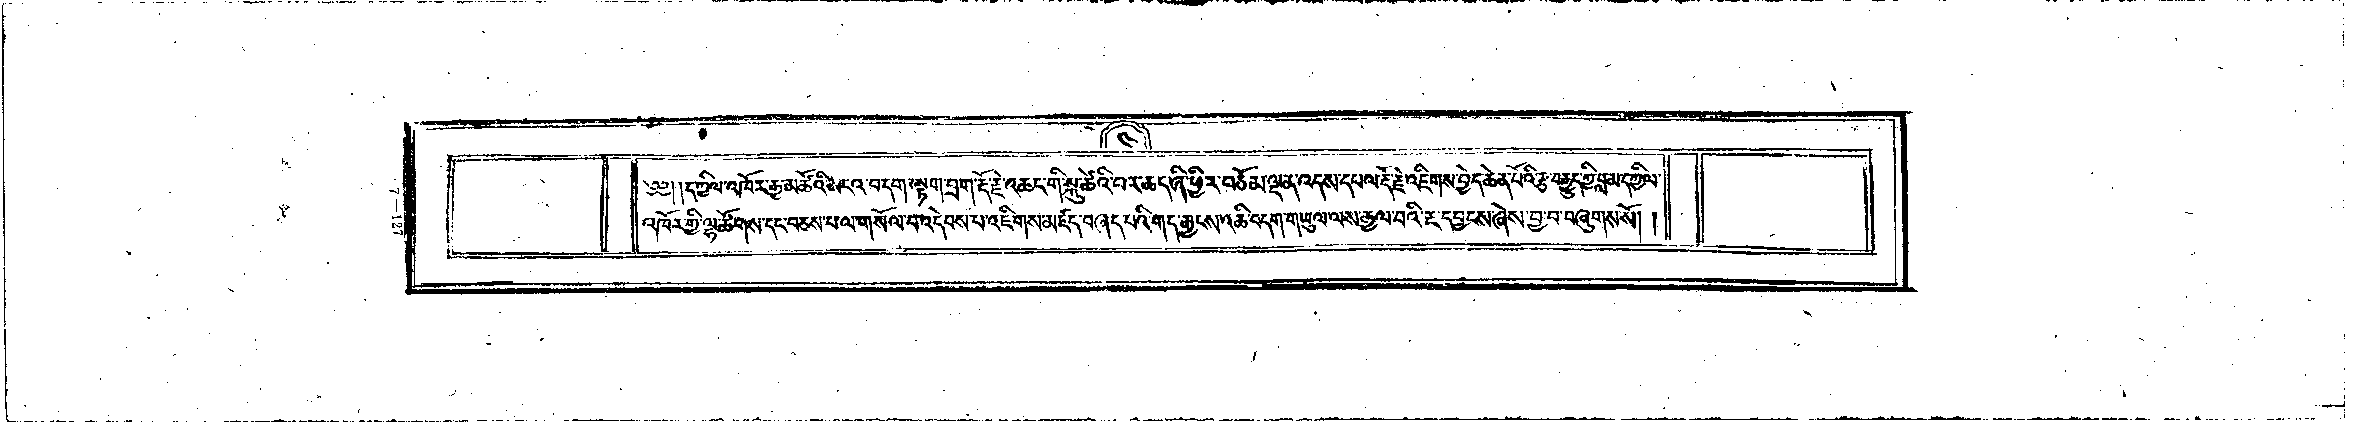༄༅། །དཀྱིལ་འཁོར་རྒྱ་མཚོའི་མངའ་བདག་སྟག་བྲག་རྡོ་རྗེ་འཆང་གི་སྐུ་ཚེའི་བར་ཆད་ཞི་ཕྱིར་བཅོམ་ལྡན་འདས་དབལ་རྡོ་རྗེ་འཇིགས་བྱེད་ཆེན་པོའི་རྩ་བརྒྱུད་ཀྱི་བླ་མ་དཀྱིལ་བ་
འཁོར་གྱི་ལྷ་ཚོགས་དང་བཅས་བ་ལ་གསོལ་བ་འདེབས་པ་འཇིགས་མཛད་བཞད་པའི་གད་རྒྱངས་འཆི་བདག་གཡུལ་ལས་རྒྱལ་བའི་རྔ་དབྱངས་ཞེས་བྱ་བ་བཞུགས་སོ། །